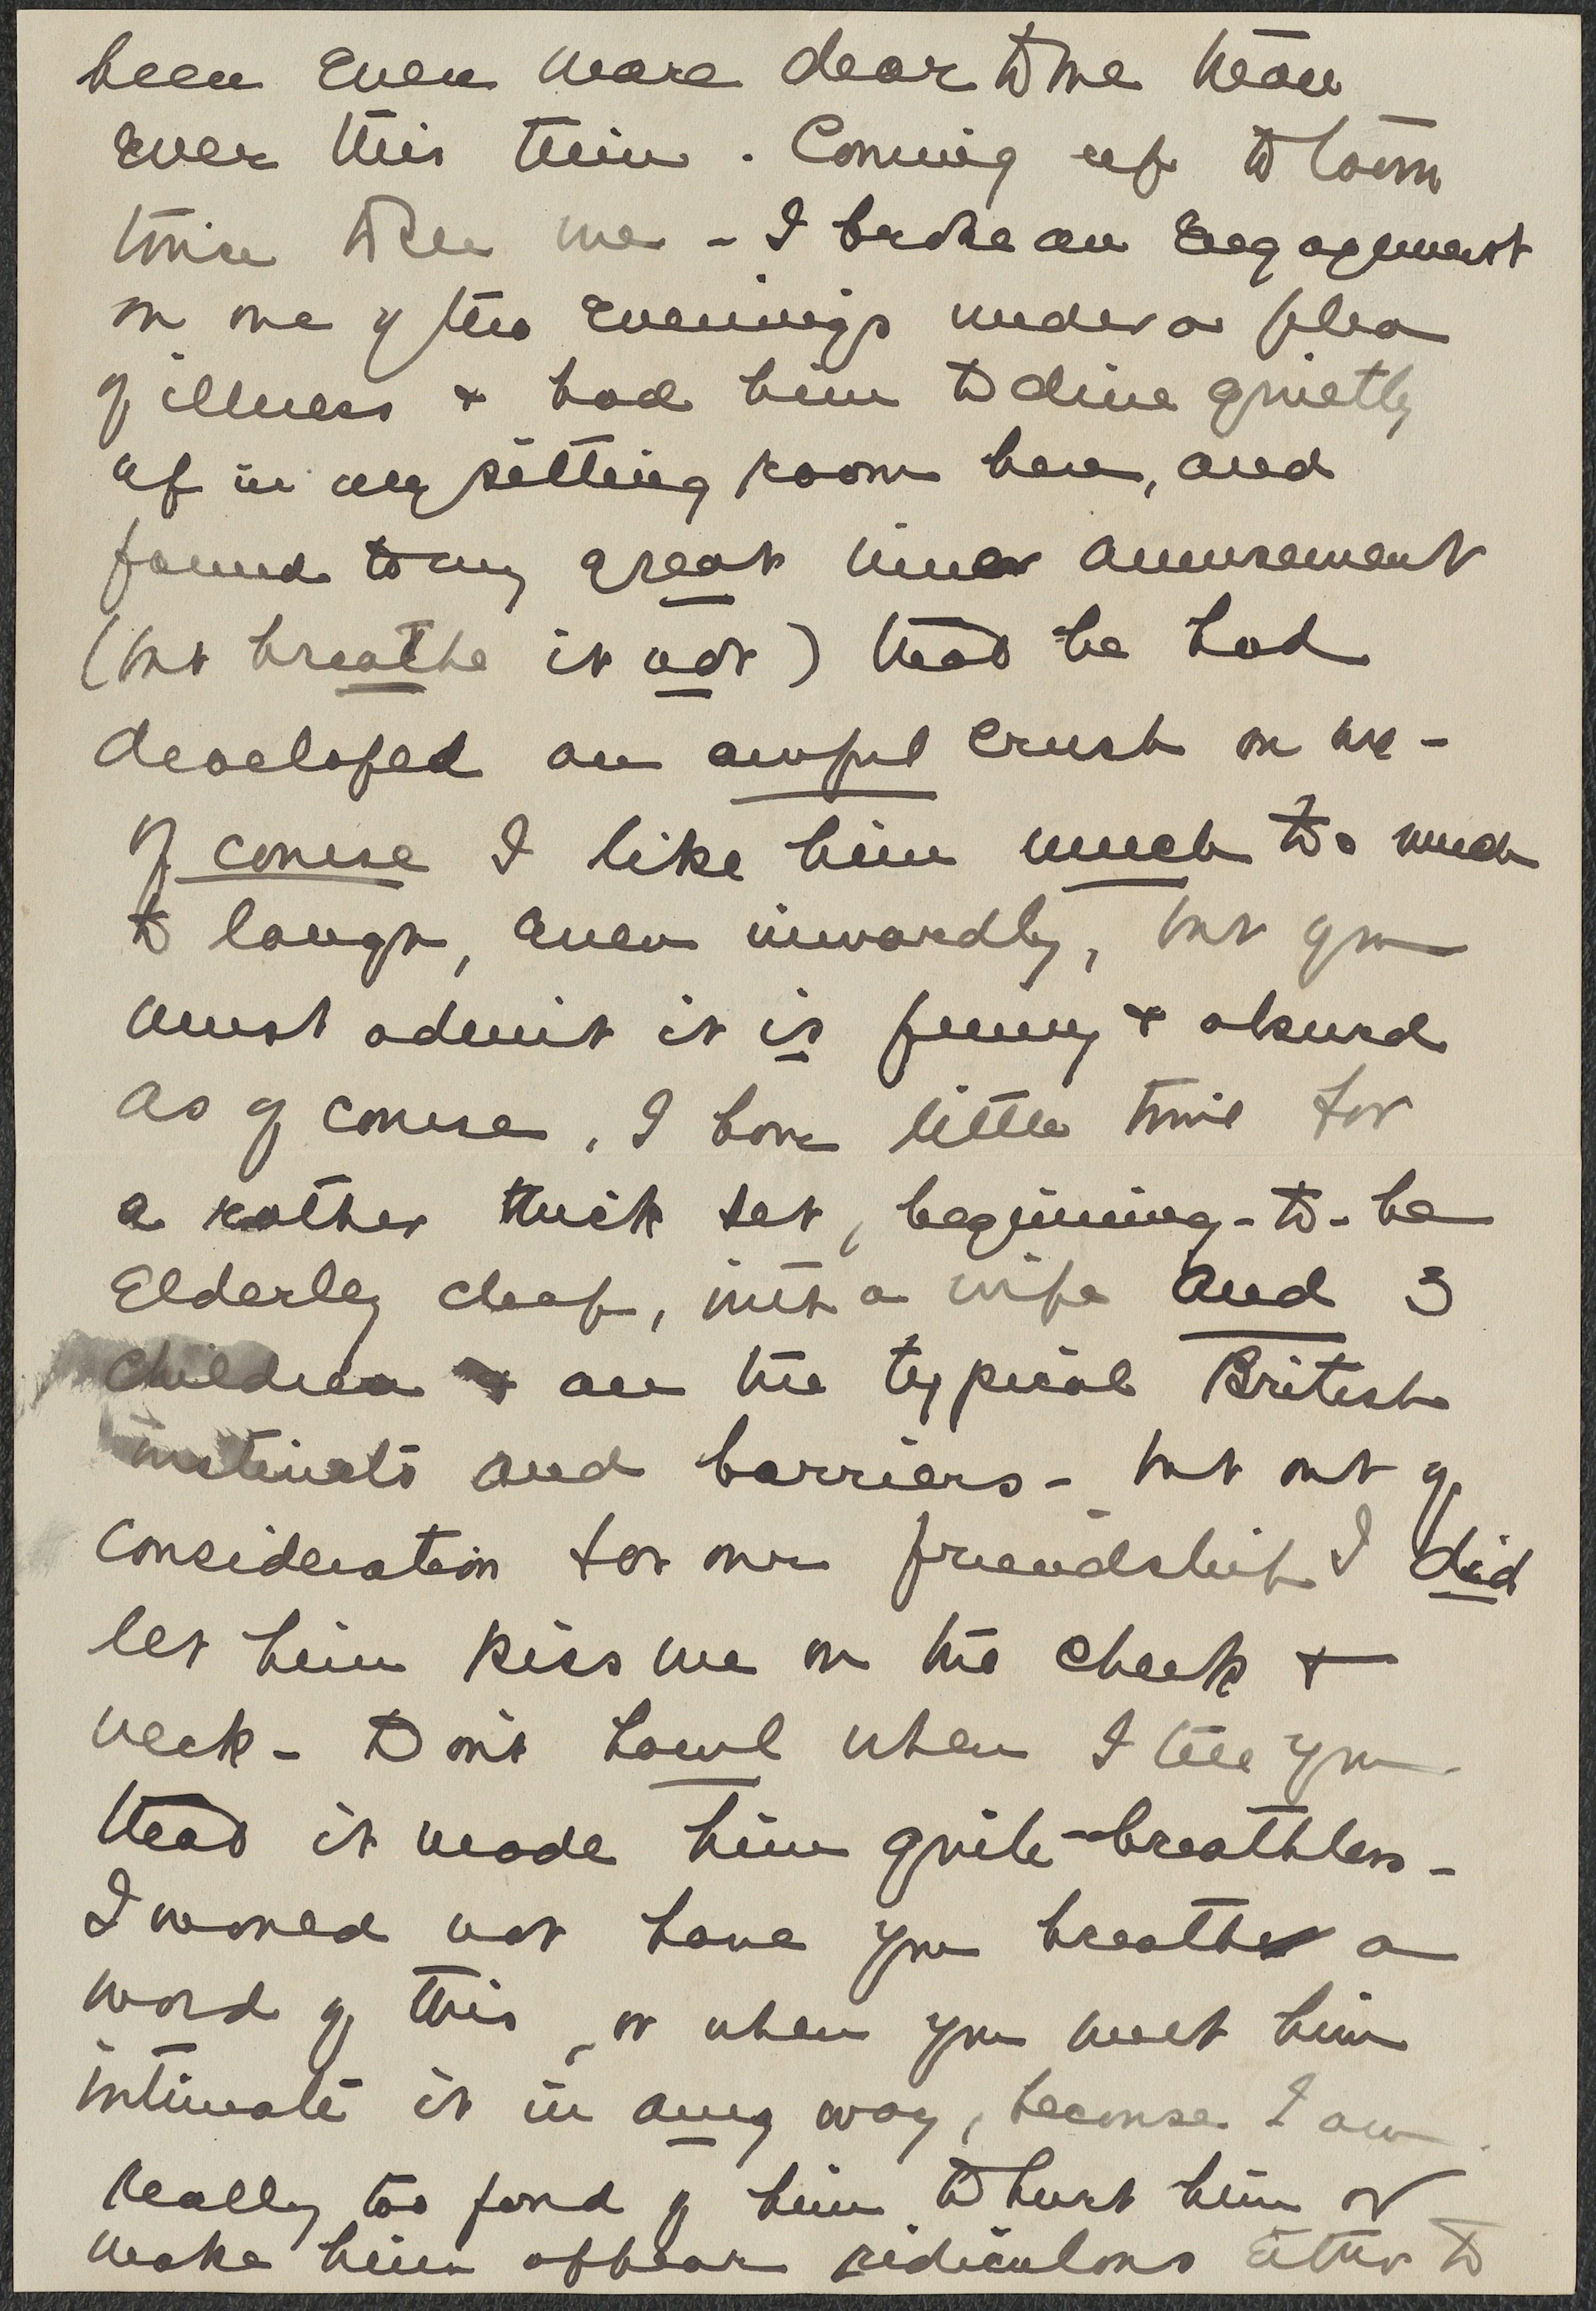been even more dear to me than ever this time. Coming up to town twice to see me – I broke an engagement on the evenings under a plea of illness & had him to dine quietly up in my sitting room here, and found to my great inner amusement (but breathe it not) that he had developed an awful crush on me – Of course I like him much too much to laugh, even inwardly, but you must admit it is funny & absurd as of course, I have little time for a rather thick set, beginning-to-be elderly chap, with a wife and 3 children & all the typical British instincts and barriers – but out of consideration for our friendship I did let him kiss me on the cheek & neck – Don't howl when I tell you that it made him quite breathless – I would not have you breathe a word of this or when you meet him intimate it in any way, because I am really too fond of him to hurt him or make him appear ridiculous either to